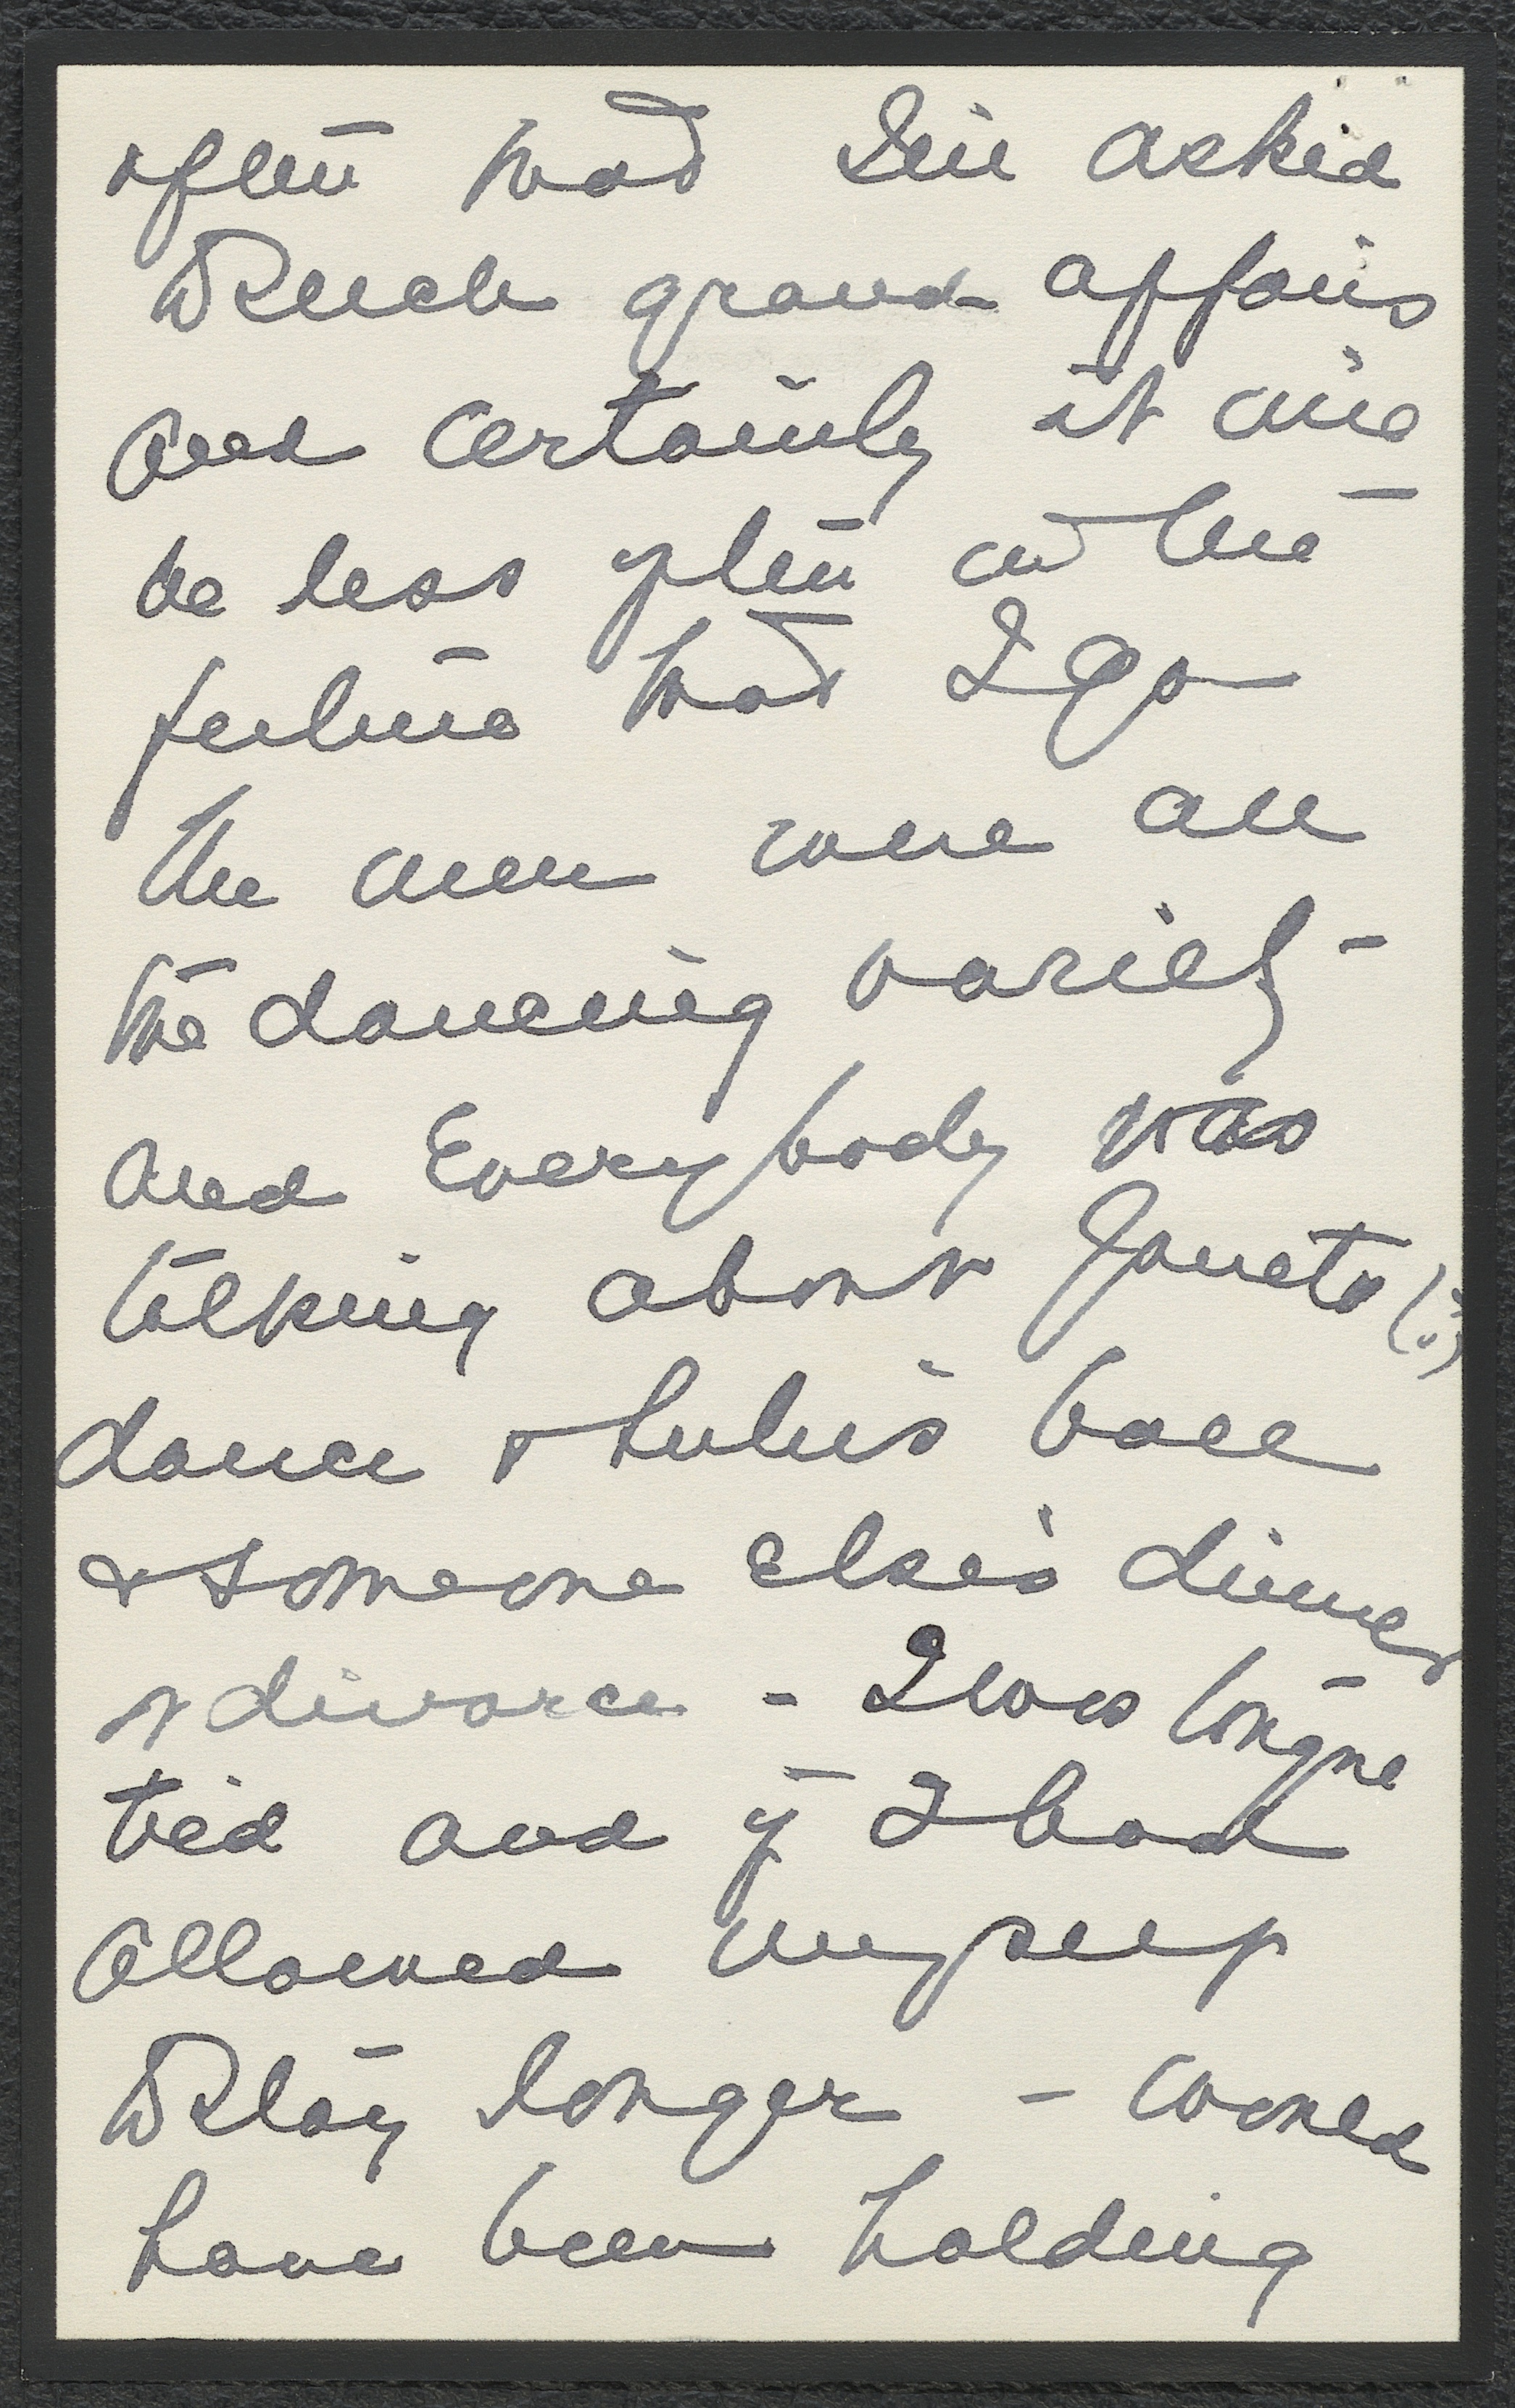often that I’m asked to such grand affairs and certainly it will be less often in the future that I go – the men were all the dancing variety – and everybody was talking about Janet’s (?) dance & Lulu’s ball & someone else’s dinner or divorce – I was tongue tied and if I had allowed myself to stay longer – would have been holding